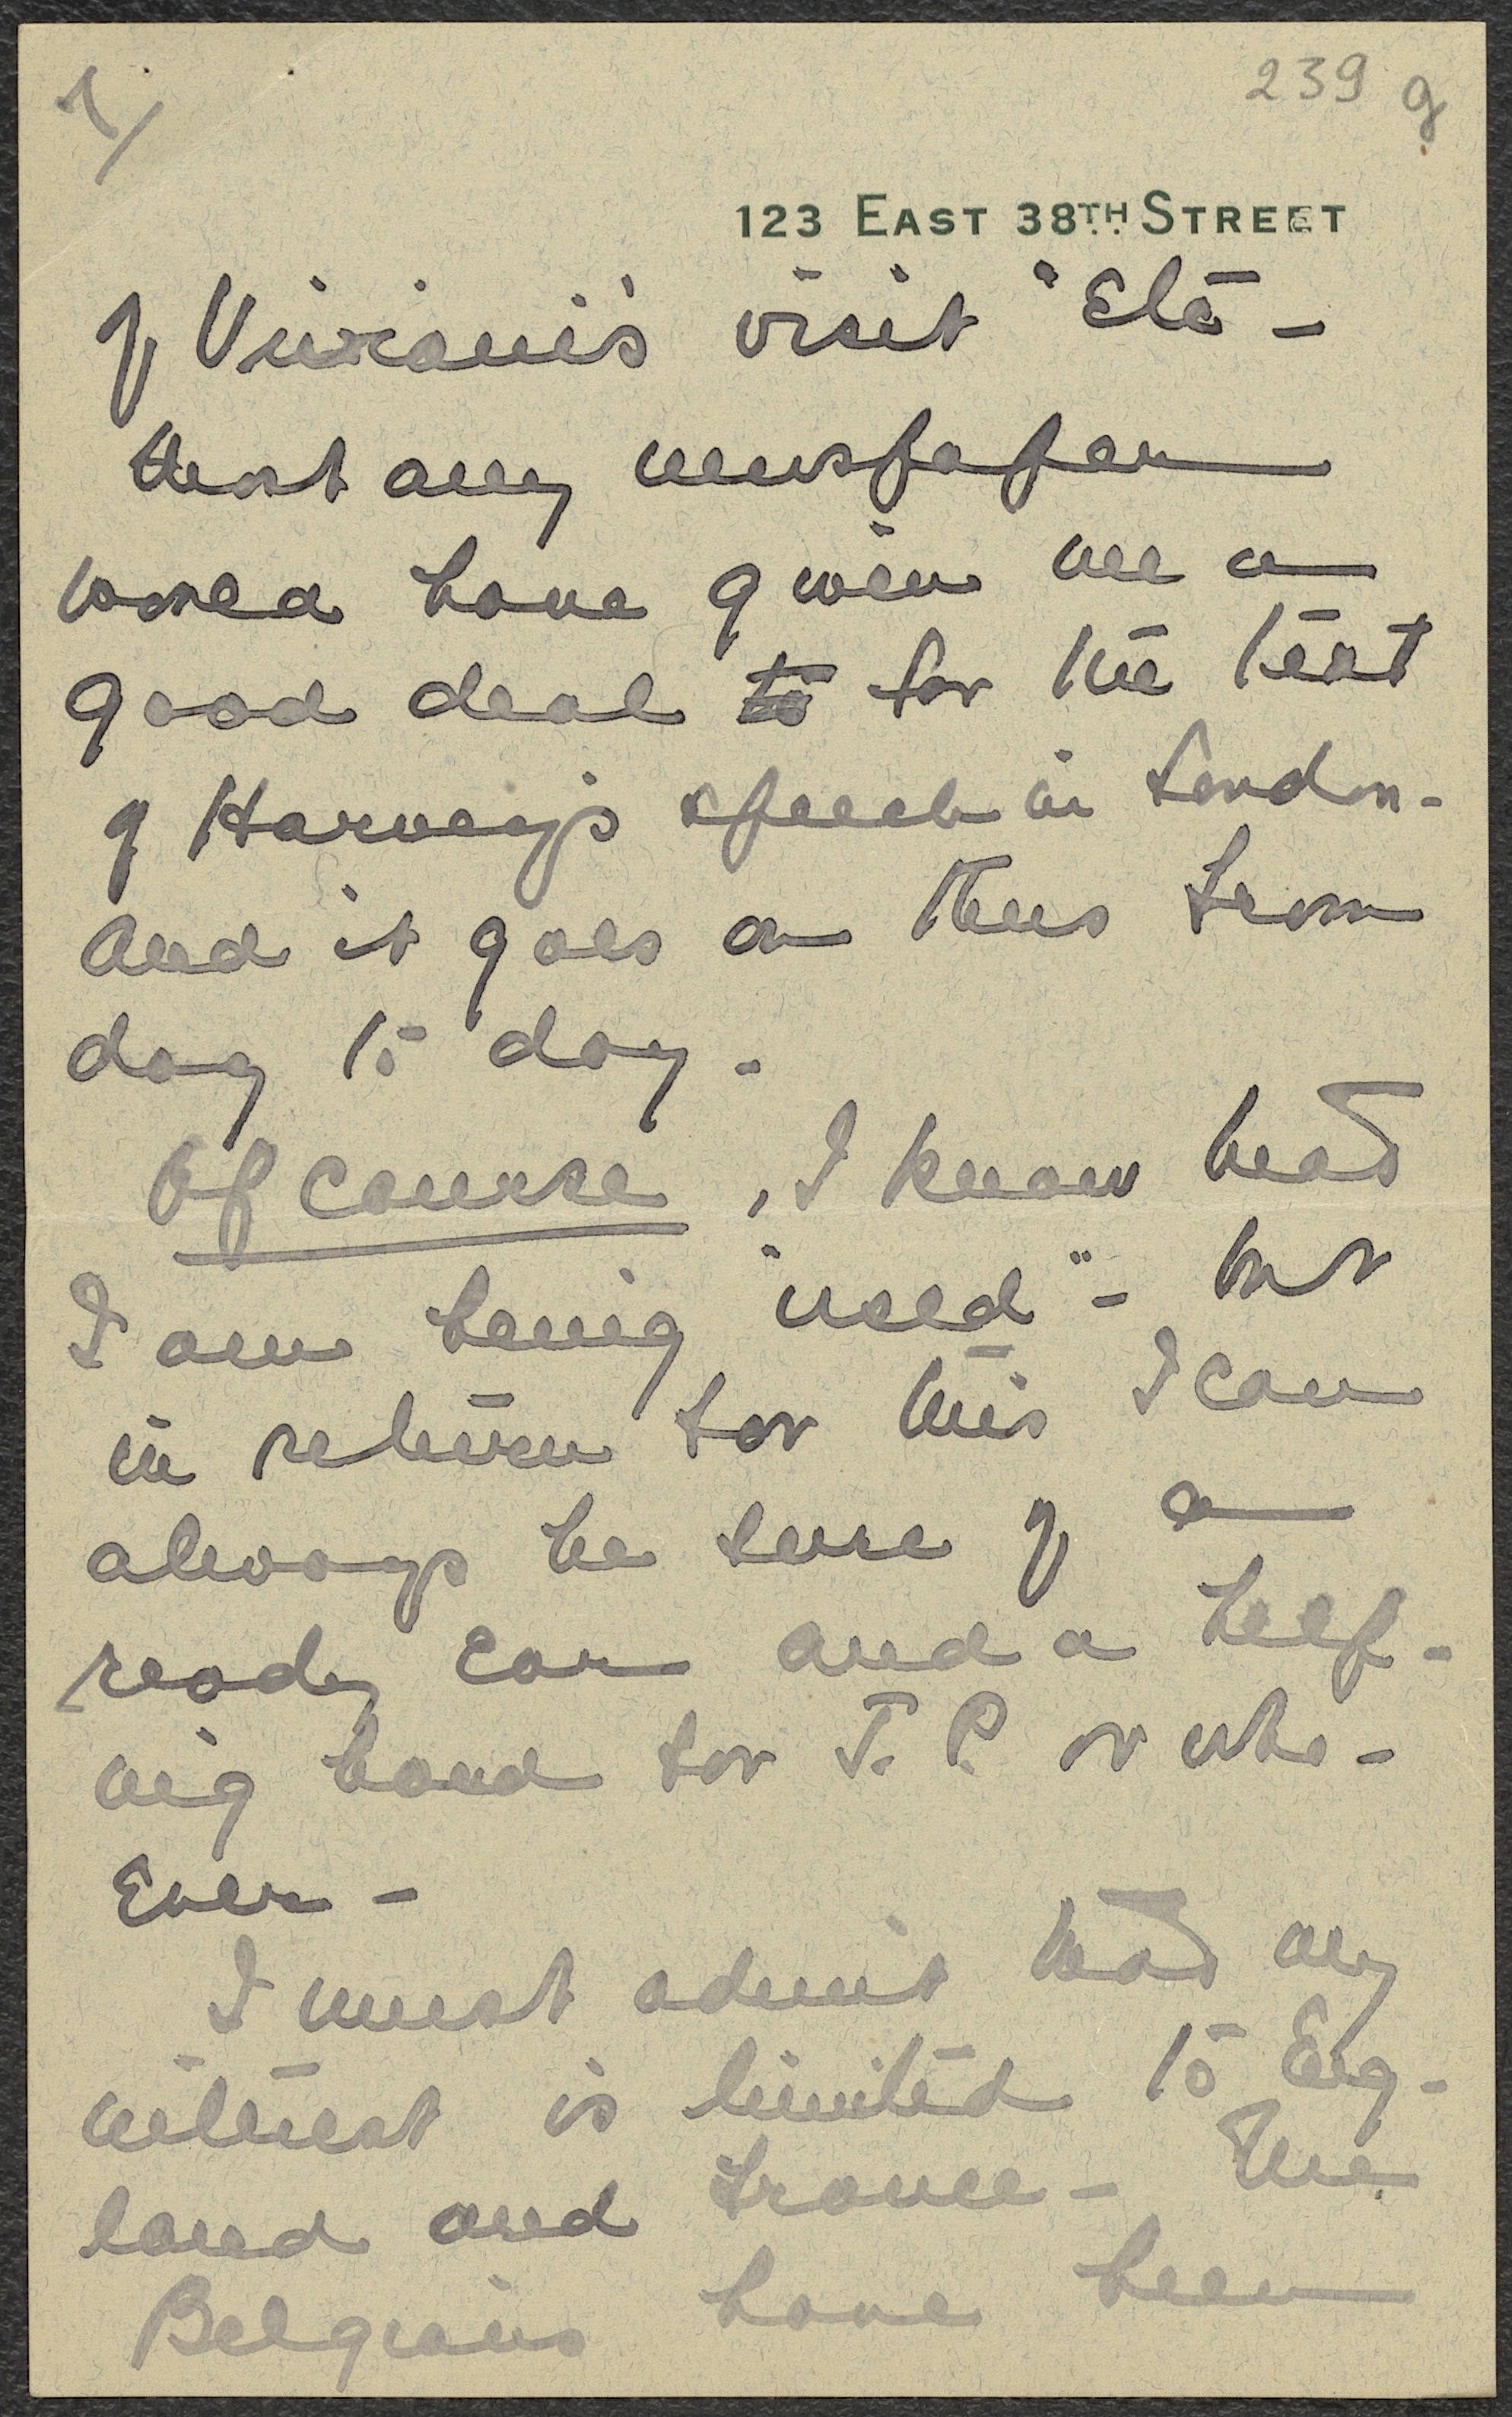7/
of Viviani’s visit” etc – Most any newspaper would have given me a good deal to for the text of Harvey’s speech in London – and it goes on thus from day to day –
Of course, I know that I am being “used” – but in return for this I can always be sure of a ready ear and a helping hand for J. P or whoever –
I must admit that my interest is limited to England and France – The Belgians have been